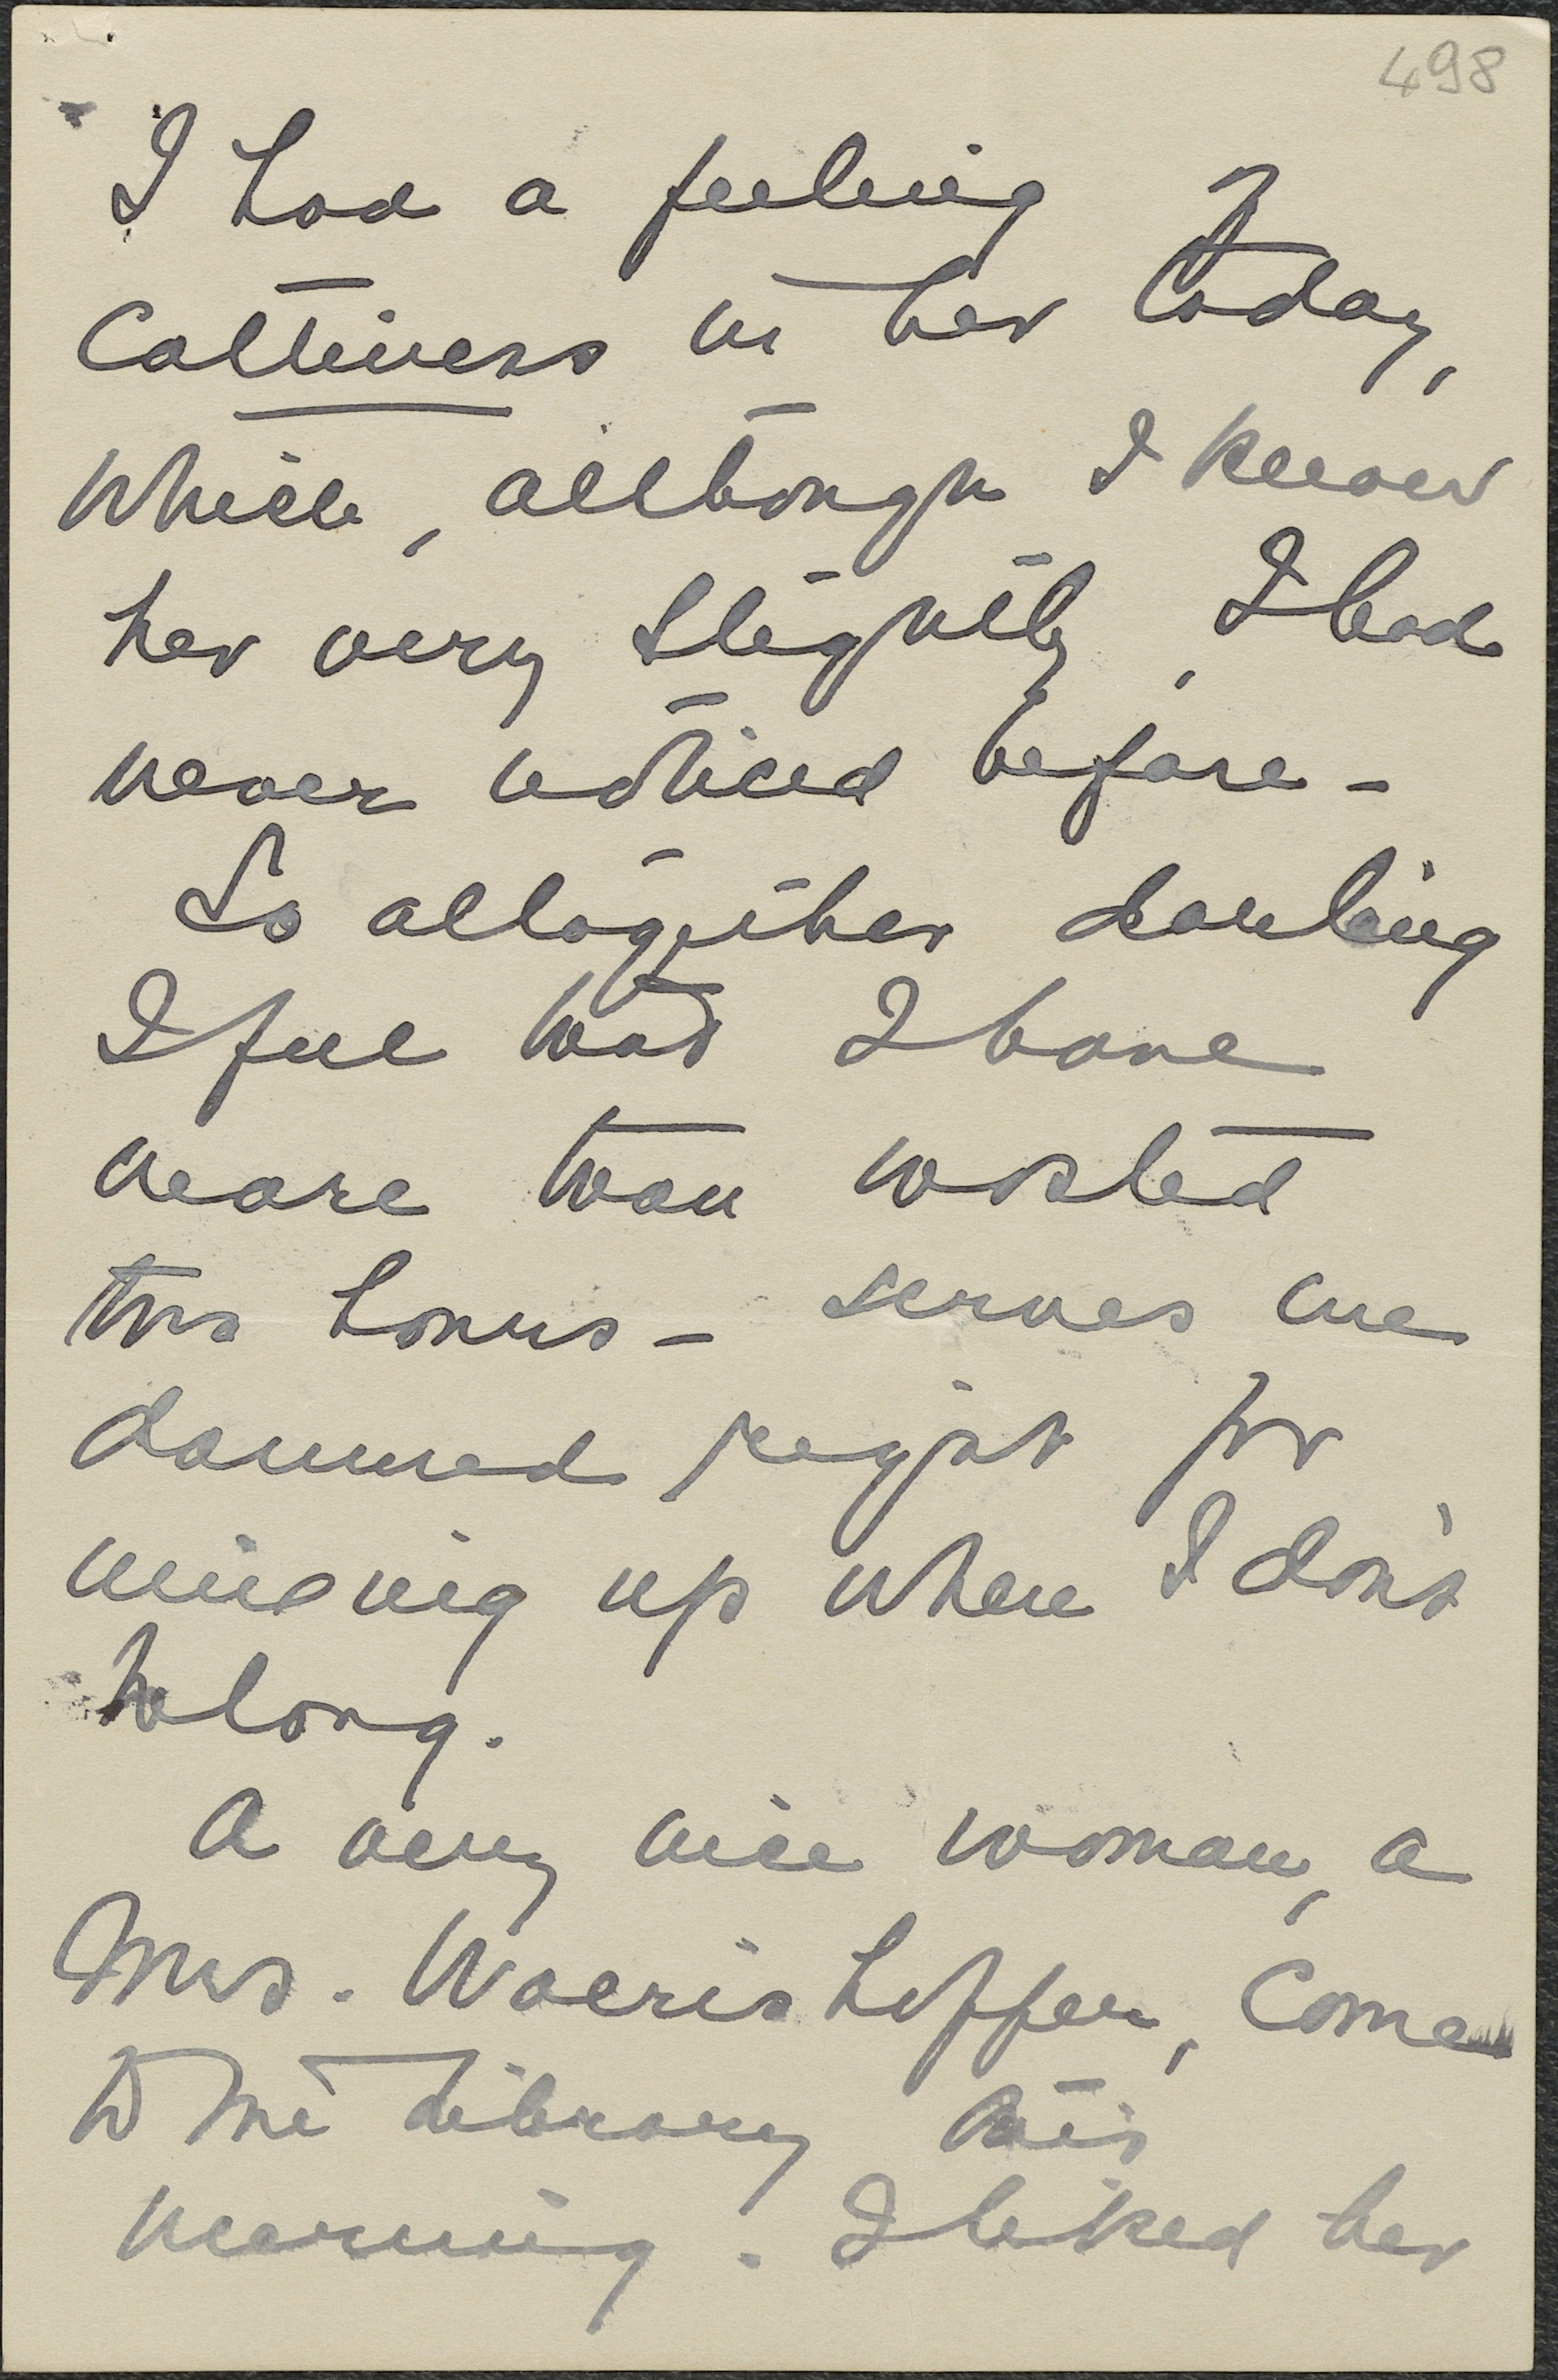I had a feeling of cattiness in her today, which, although I know her very slightly, I had never noticed before –
So altogether darling I feel that I have more than wasted two hours – serves me damned right for mixing up where I don’t belong.
A very nice woman, a Mrs. Woerishoffer came to the Library this morning. I liked her